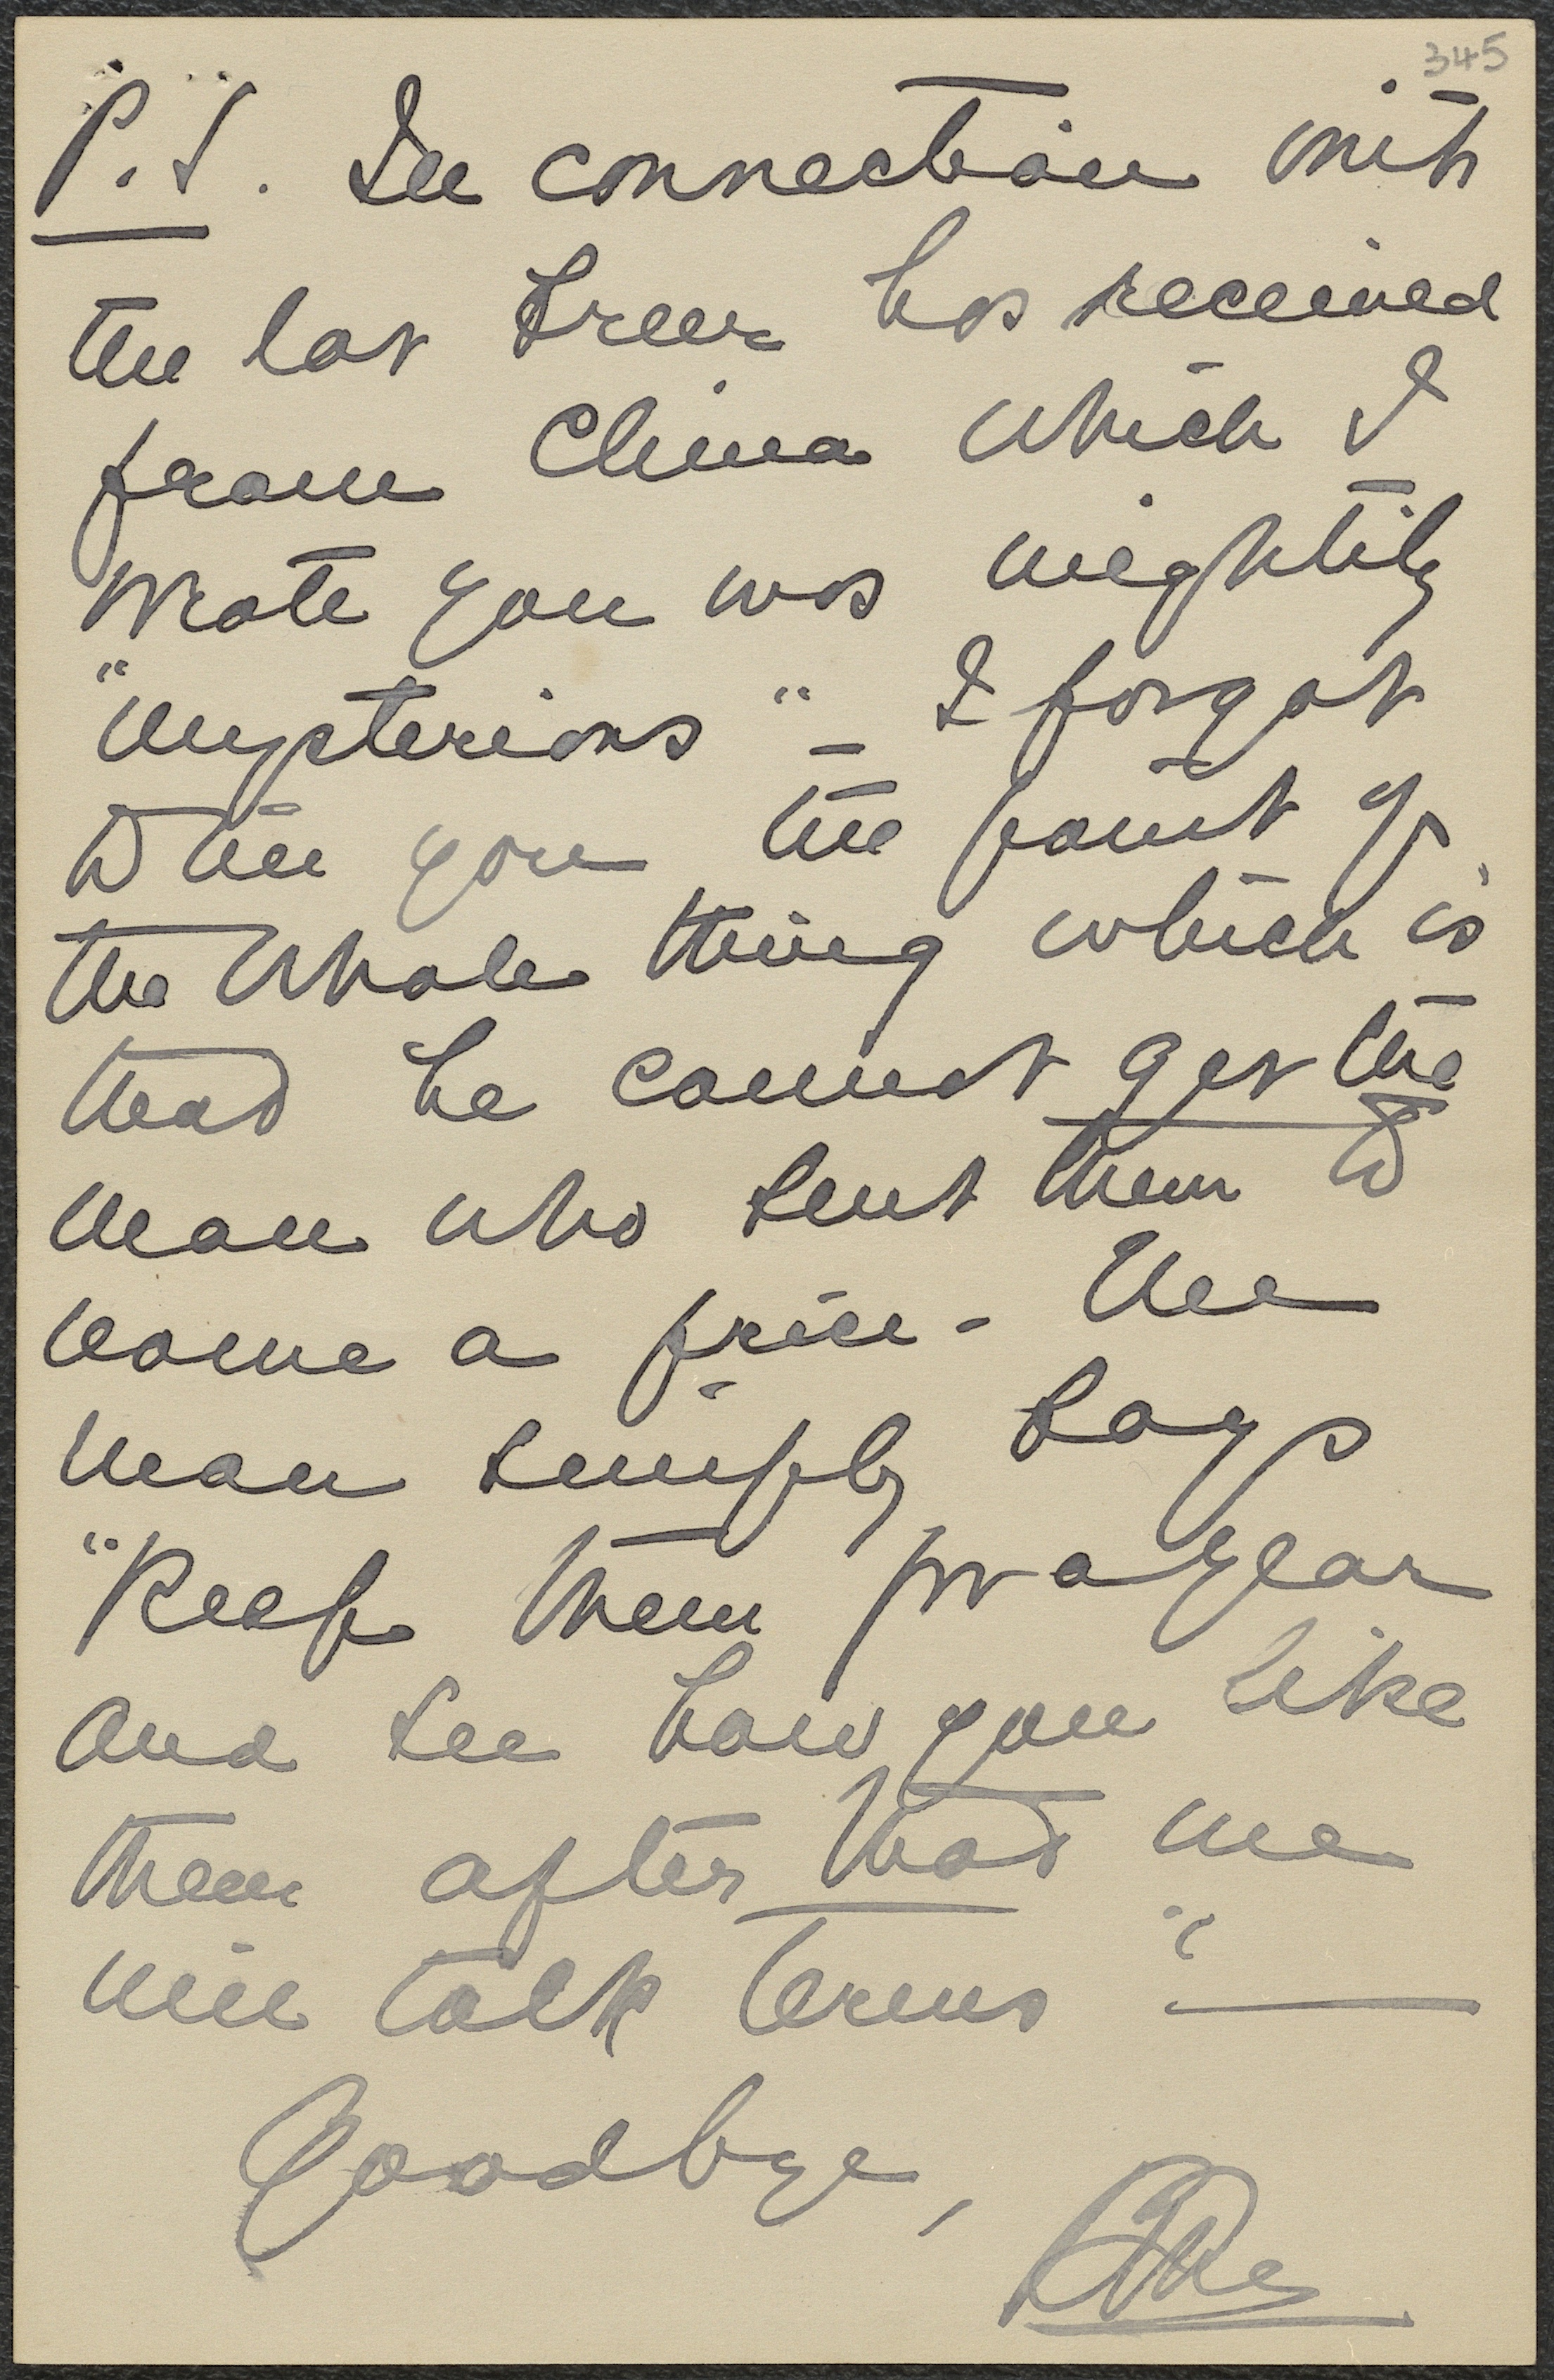P.S. In connection with the lot Freer has received from China which I wrote you was mightily “mysterious” – I forgot to tell you the point of the whole thing which is that he cannot get the man who sent them to name a price – The man simply says “keep them for a year and see how you like them after that we will talk terms” –
Goodbye,
Belle